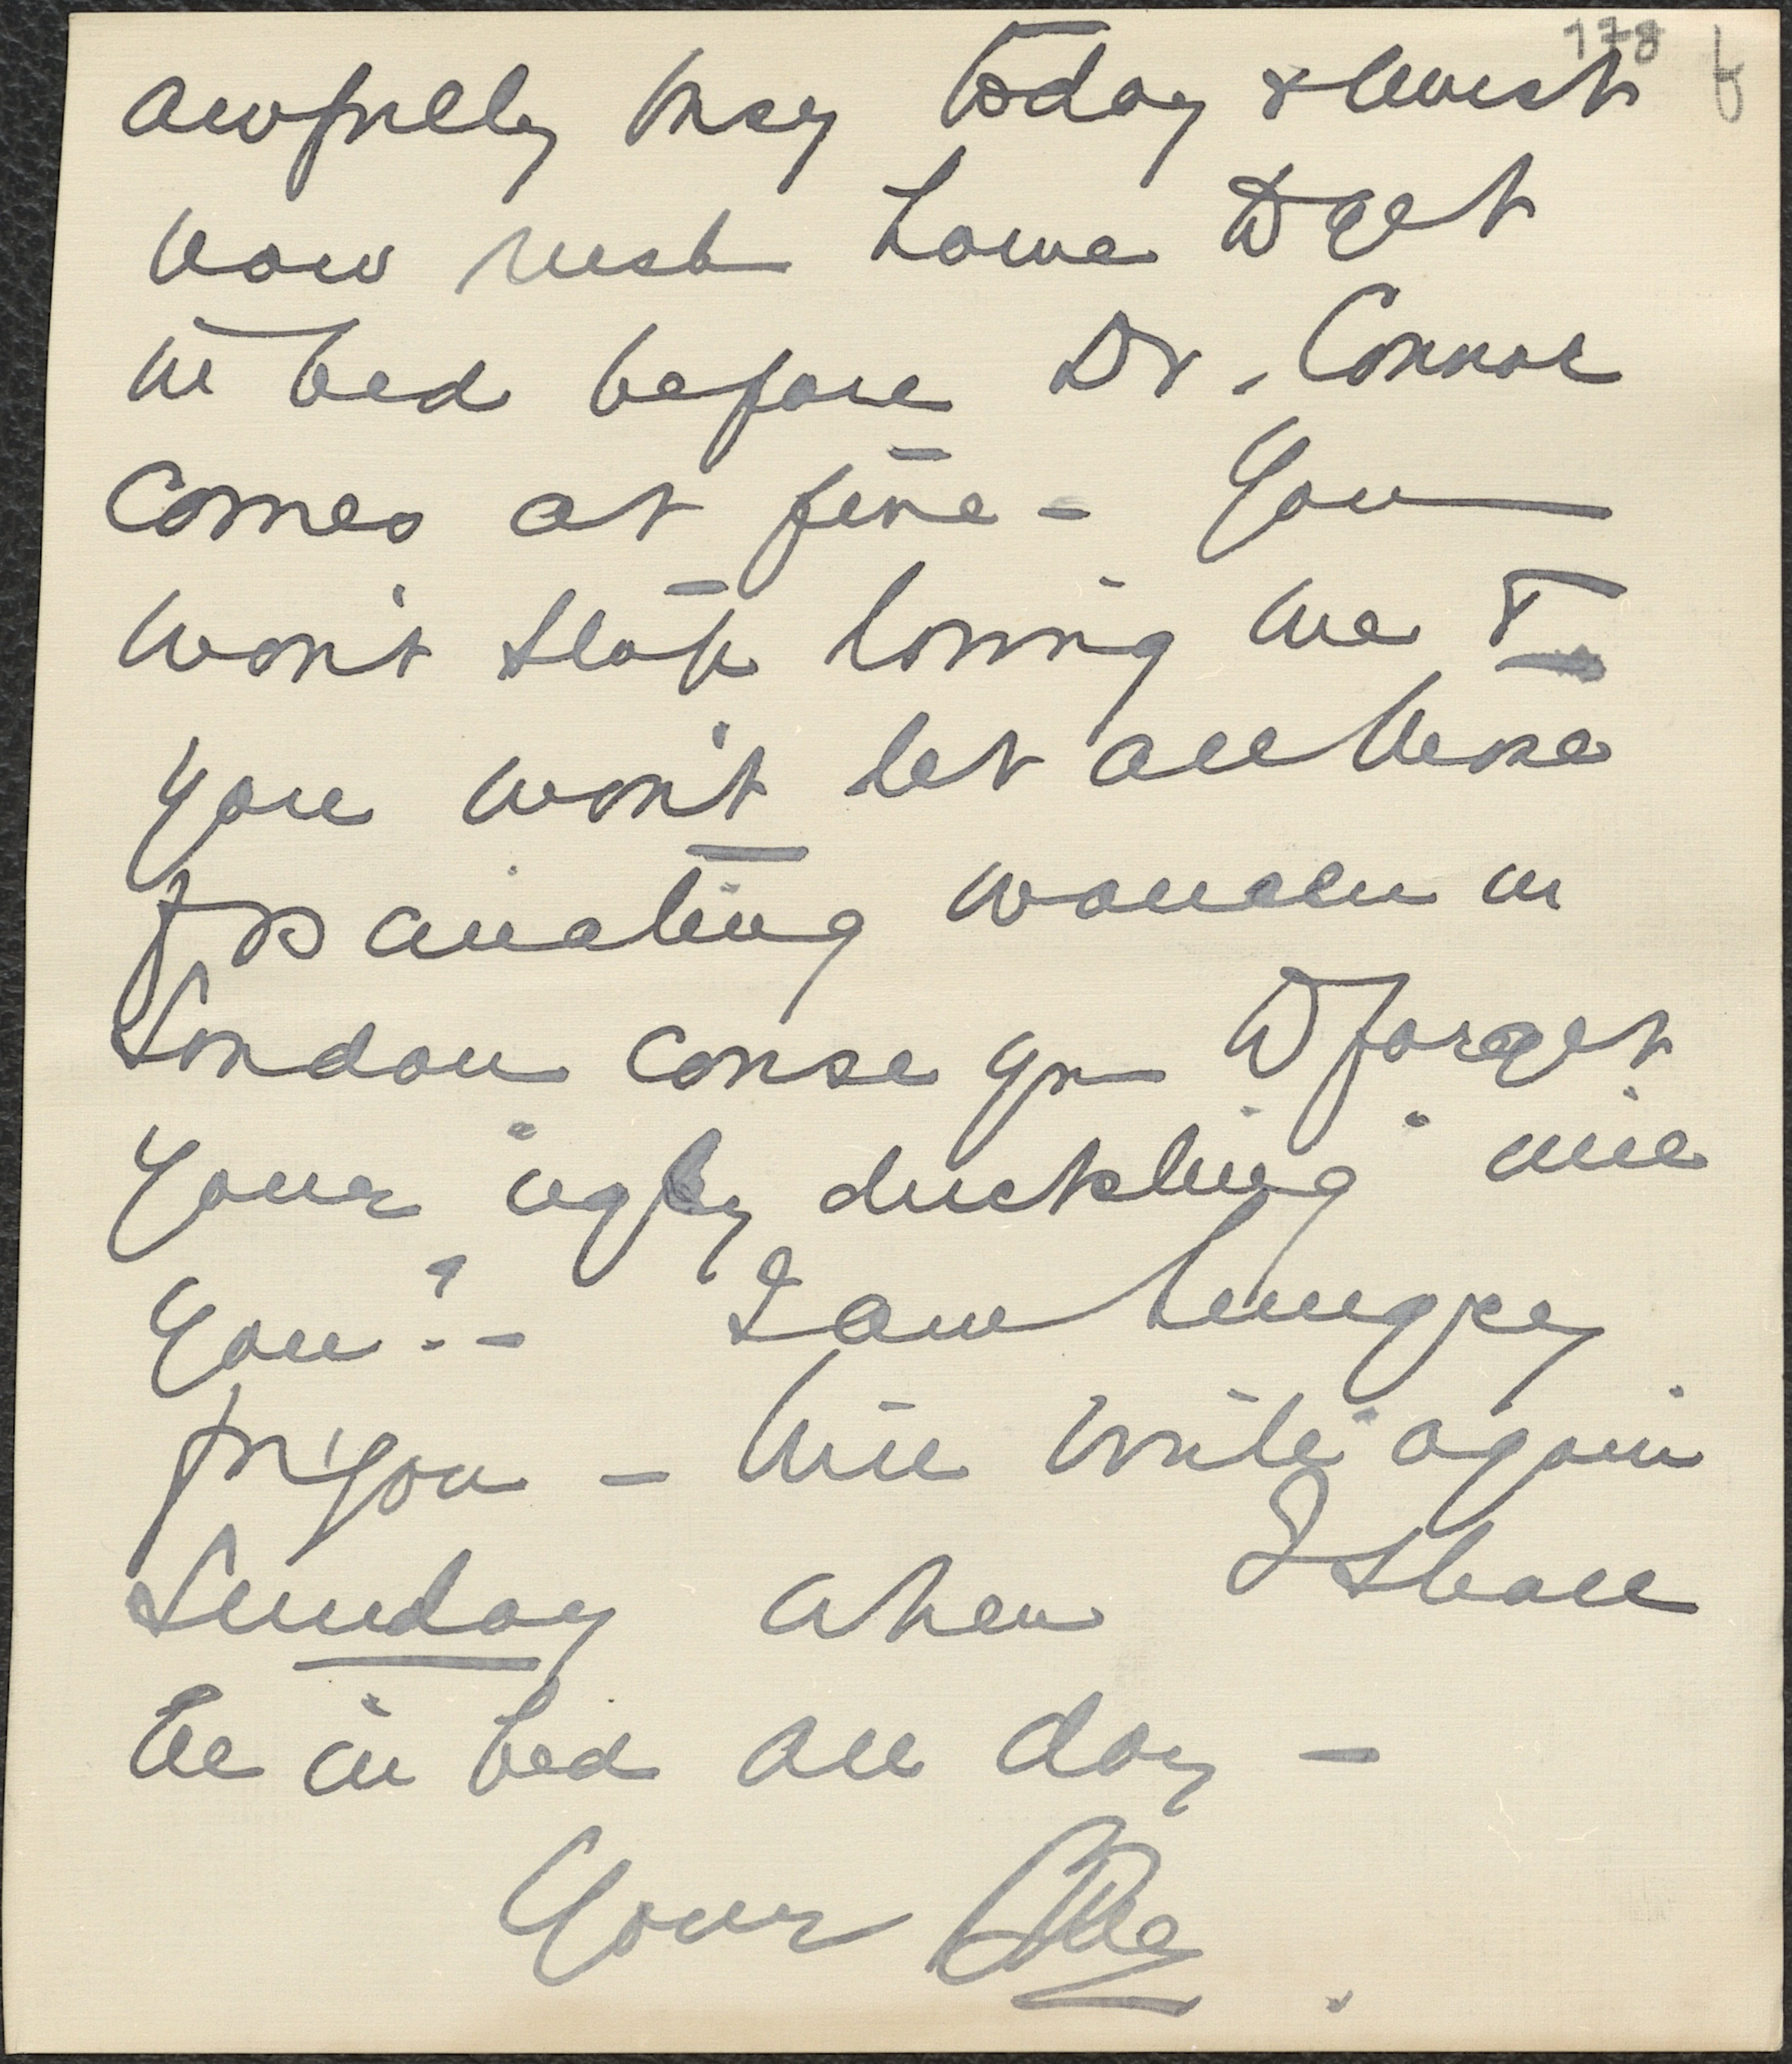awfully busy today & must now rush home to get in bed before Dr. Connor comes at five – You won’t stop loving me & you won’t let all those fascinating women in London cause you to forget your “ugly duckling” will you? – I am hungry for you – Will write again Sunday when I shall be in bed all day –
Your Belle.